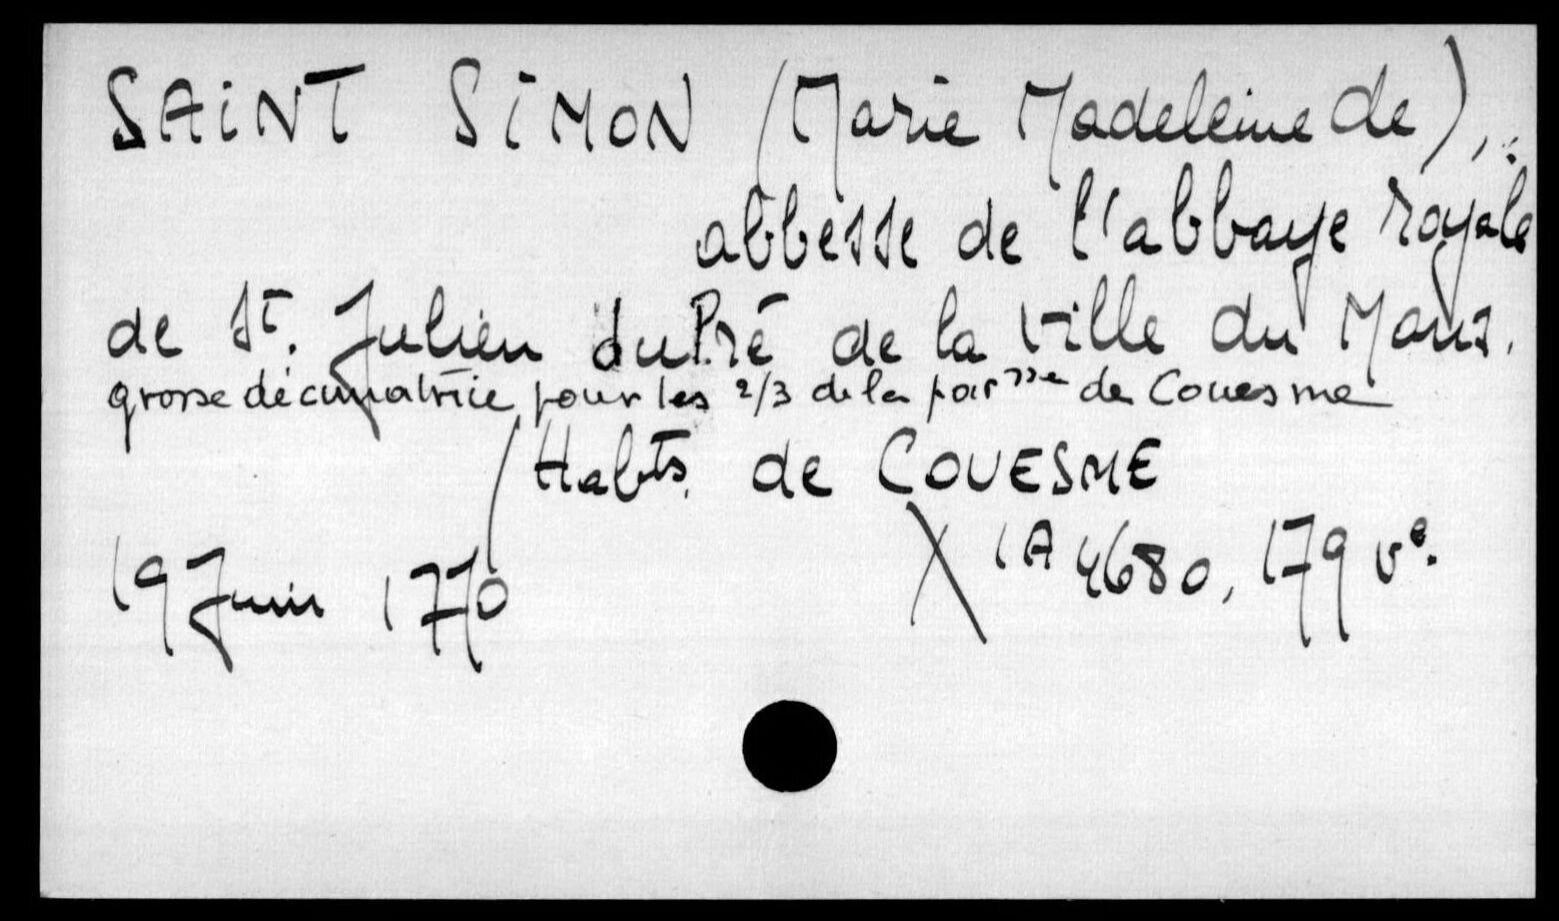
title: SAINT SIMON (Marie Madeleine de), abbesse de l'abbaye royale de Saint-julien du Pré de la ville du Mans, grosse décimatrice pour les 2/3 de la paroisse de Couesme
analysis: Contre Habitants de COUESME
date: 19 juin 1770
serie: X1A
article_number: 4680
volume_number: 179v
